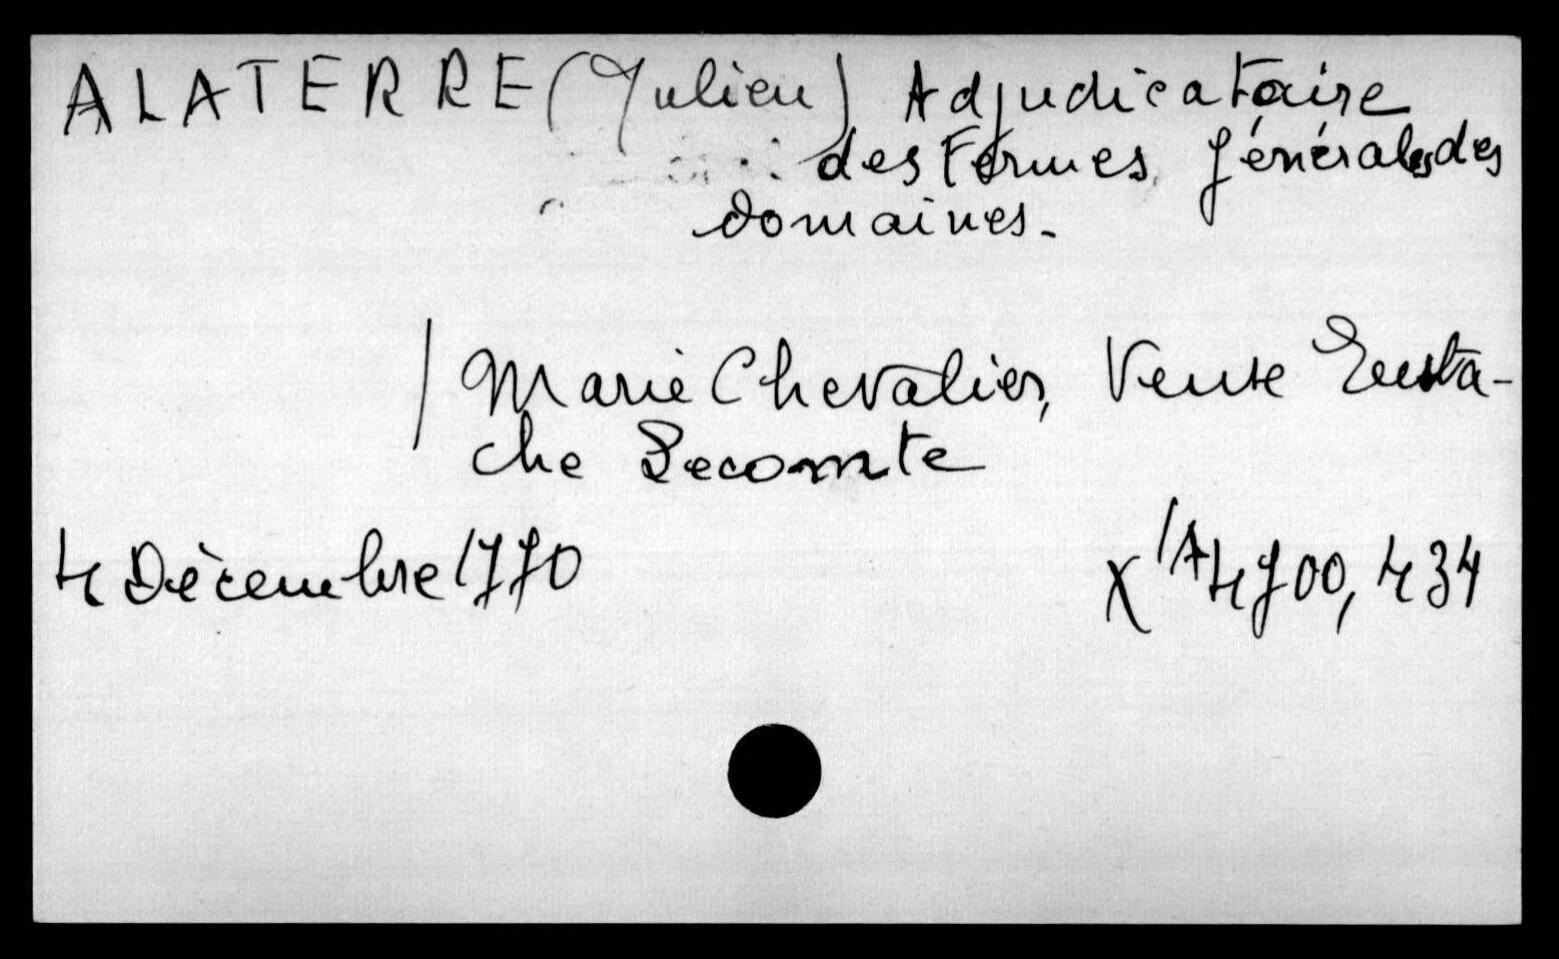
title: ALATERRE (Julien) Adjudicataire des Fermes générales des domaines.
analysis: Contre Marie Chevalier, veuve Eustache Lecomte
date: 4 décembre 1770
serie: X1A
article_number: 4700
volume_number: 434
